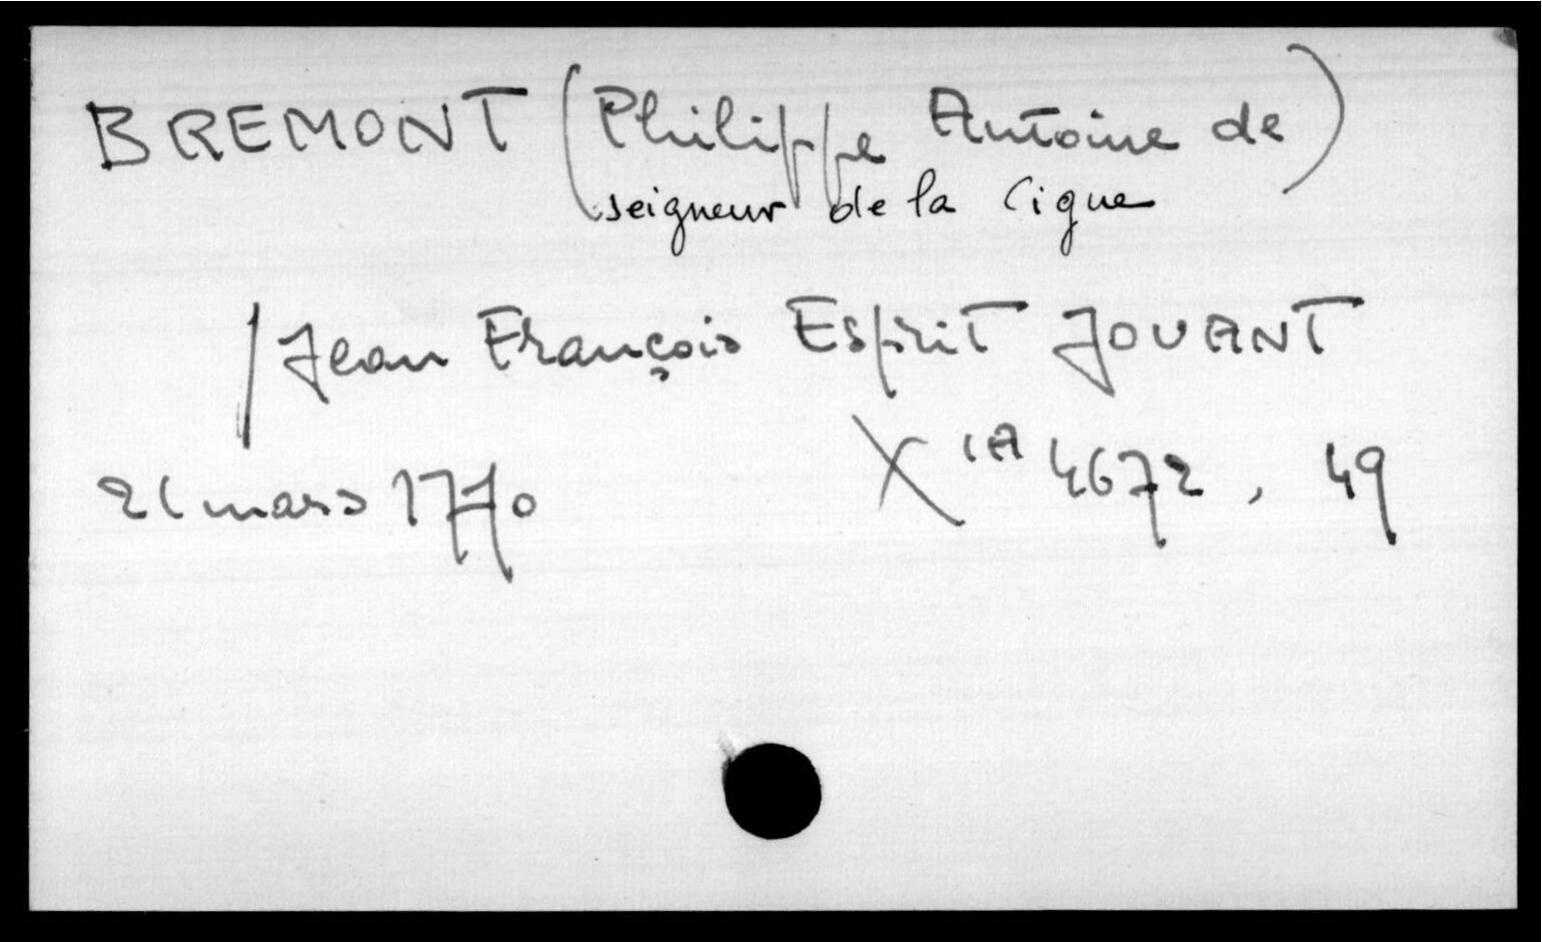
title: BREMONT (Philippe Antoine de) Eseigneur de la Cigne
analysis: Contre Jean François Esprit Jouant
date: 2 mars 1770
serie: X1A
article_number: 4672
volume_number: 49
